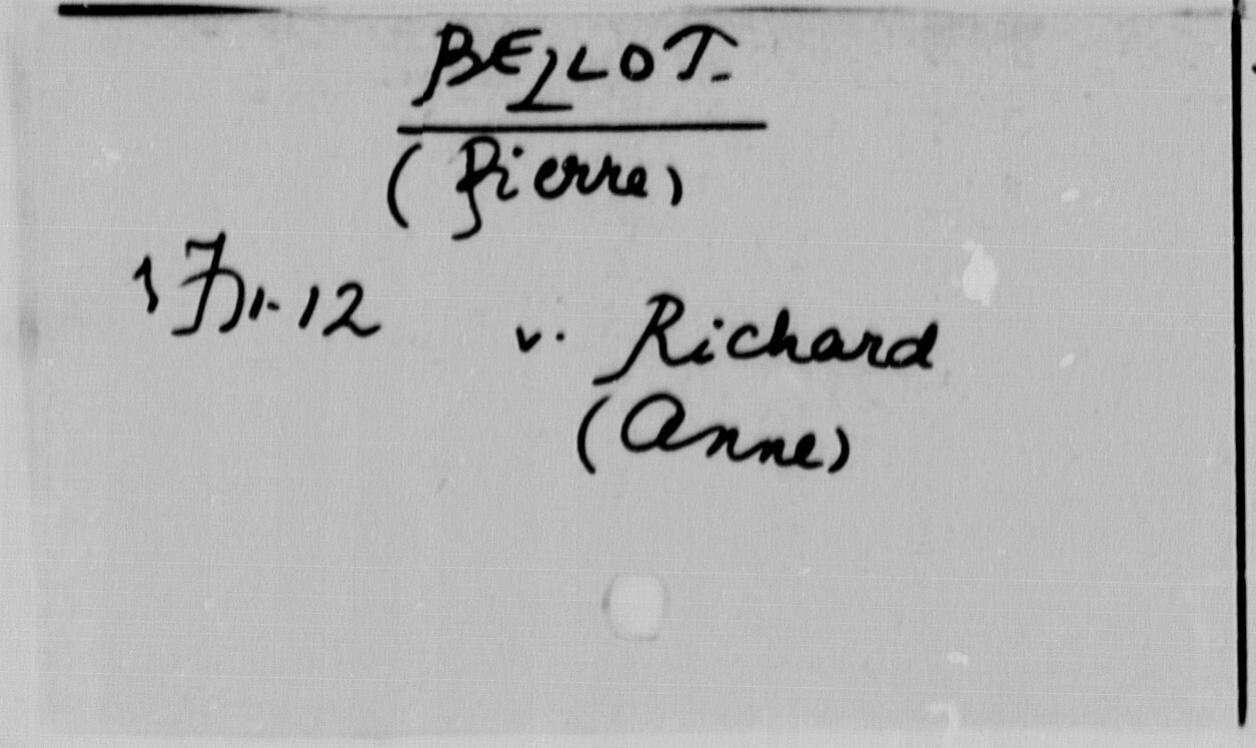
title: BELLOT (Pierre)
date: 1711-1712
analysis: Voir Richard (Anne)
